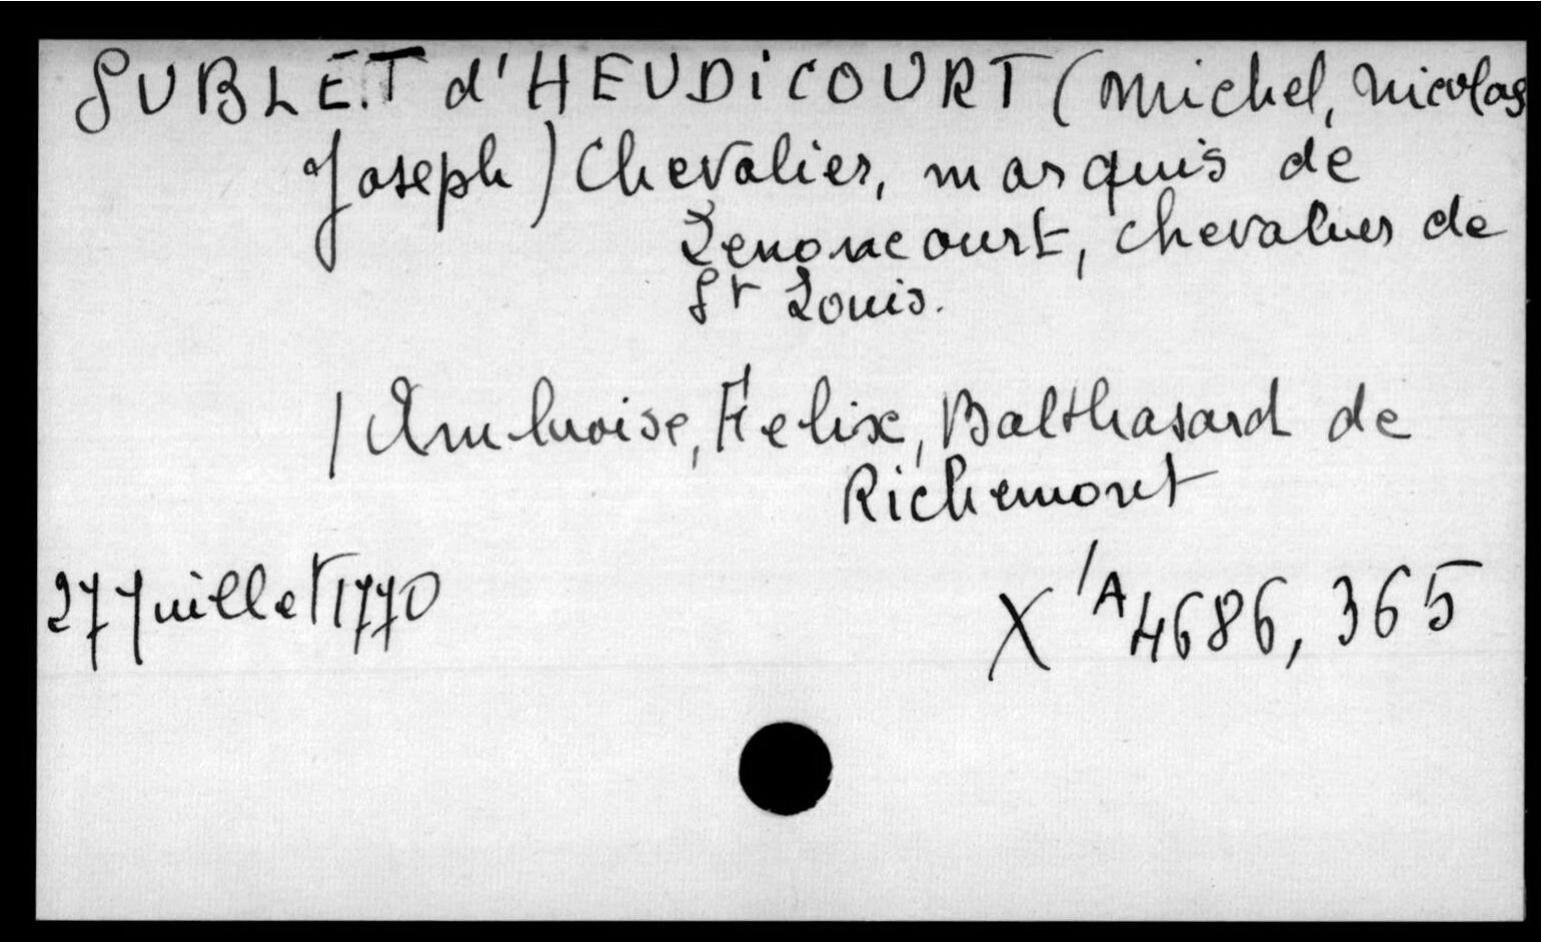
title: SUBLET D'HEUDICOURT (Michel, Nicolas Joseph), Chevalier, marquis de Lenoncourt, chevalier de Saint-Louis.
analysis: Contre Ambroise, Felix, Balthasard de Richemont
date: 27 juillet 1770
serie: X1A
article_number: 4686
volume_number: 365
